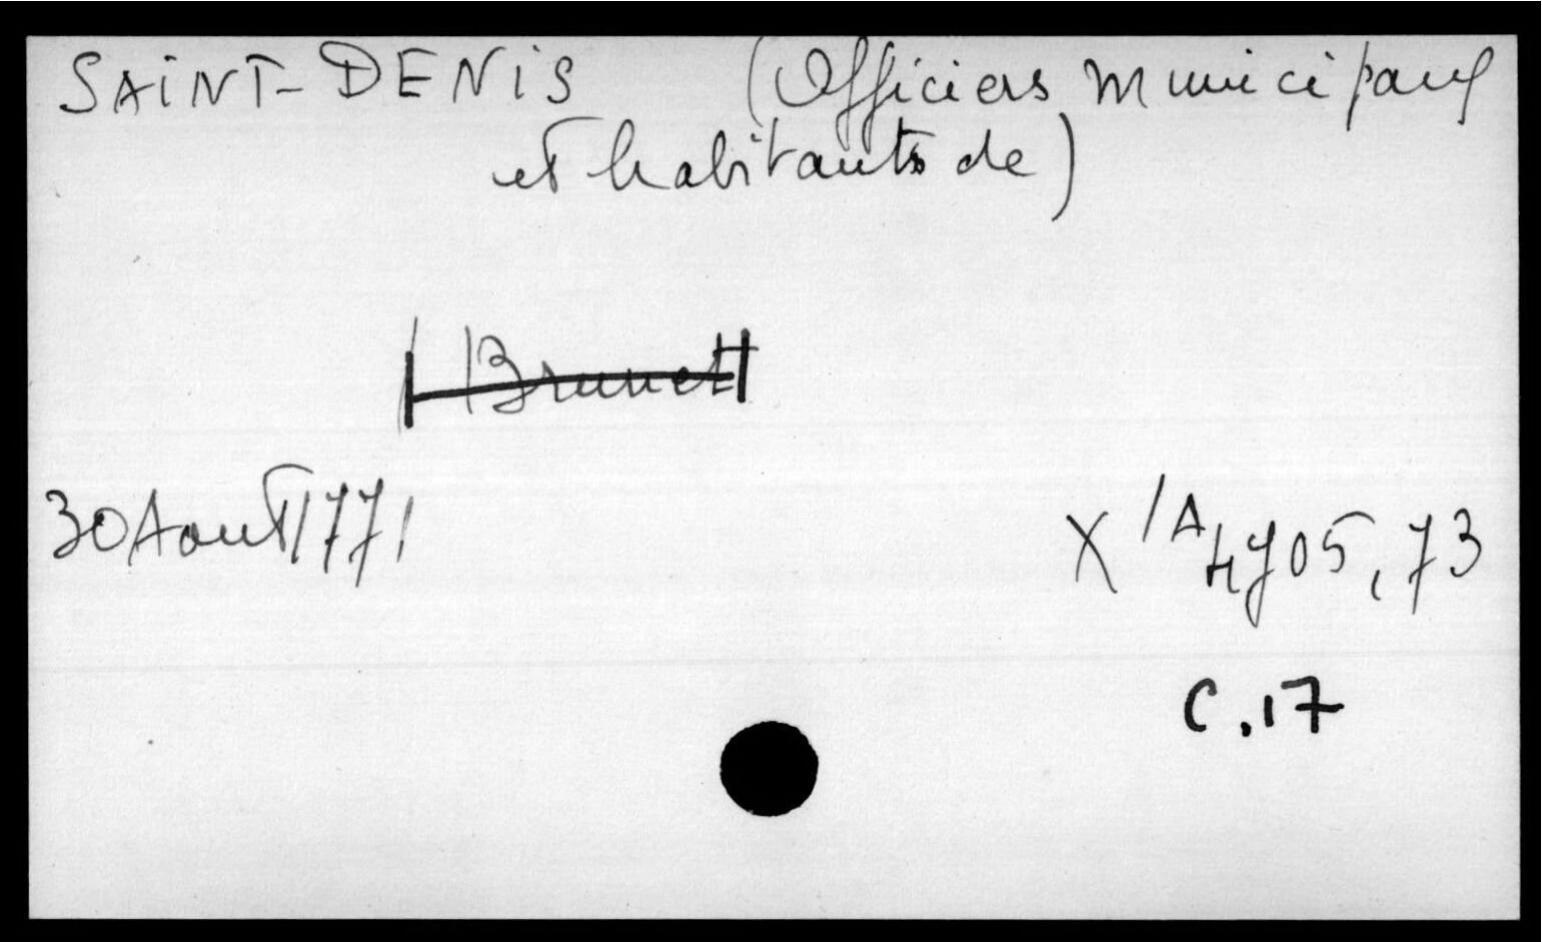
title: SAINT-DENIS (Officiers municipaux et habitants de)
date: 30 août 1771
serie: X1A
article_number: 4705
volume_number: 73 Conseil 17
